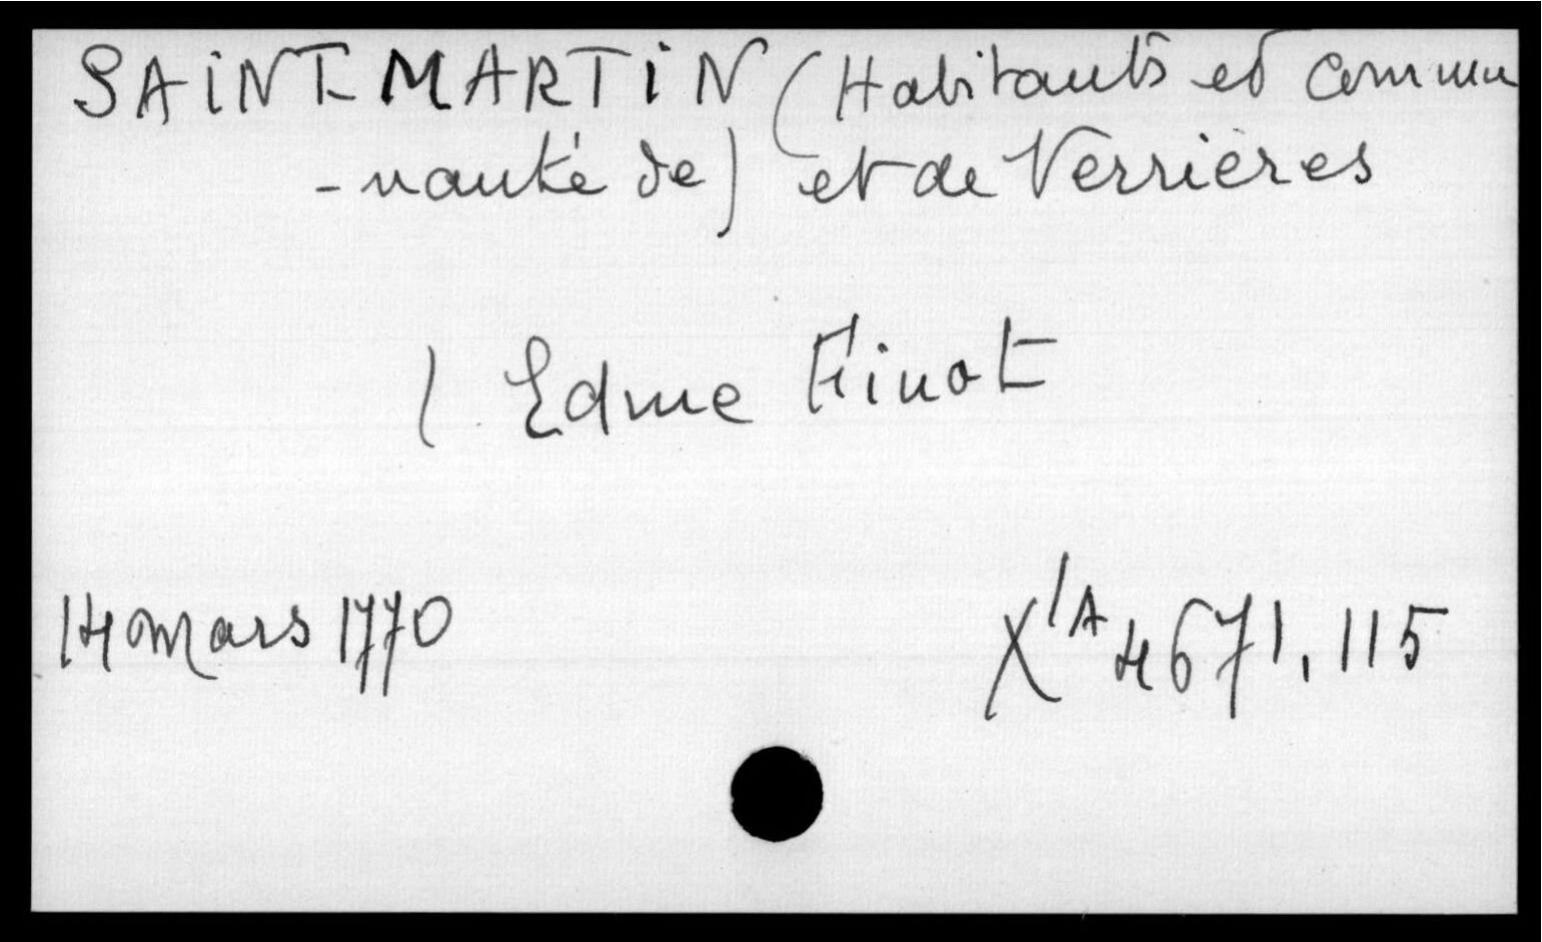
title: SAINT-MARTIN (Habitants et communauté de) et de Verrières
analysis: Contre Edme Finot
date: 14 mars 1770
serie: X1A
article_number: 4671
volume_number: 115
